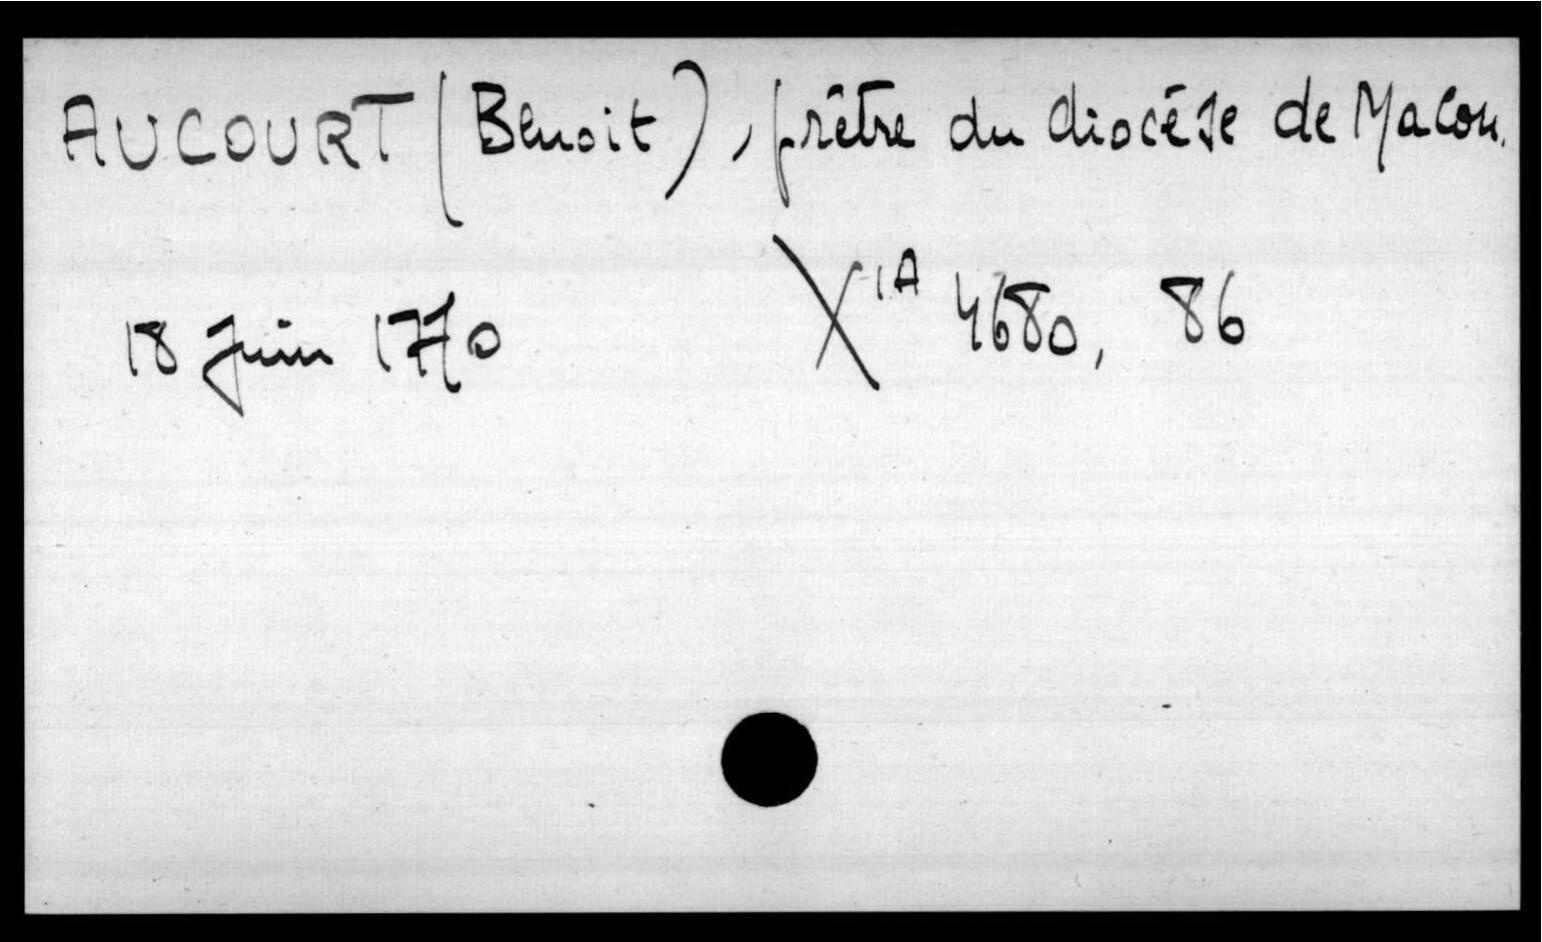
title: AUCOURT (Benoît), prêtre du diocèse de Macon.
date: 18 juin 1770
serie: X1A
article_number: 4680
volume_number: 86
